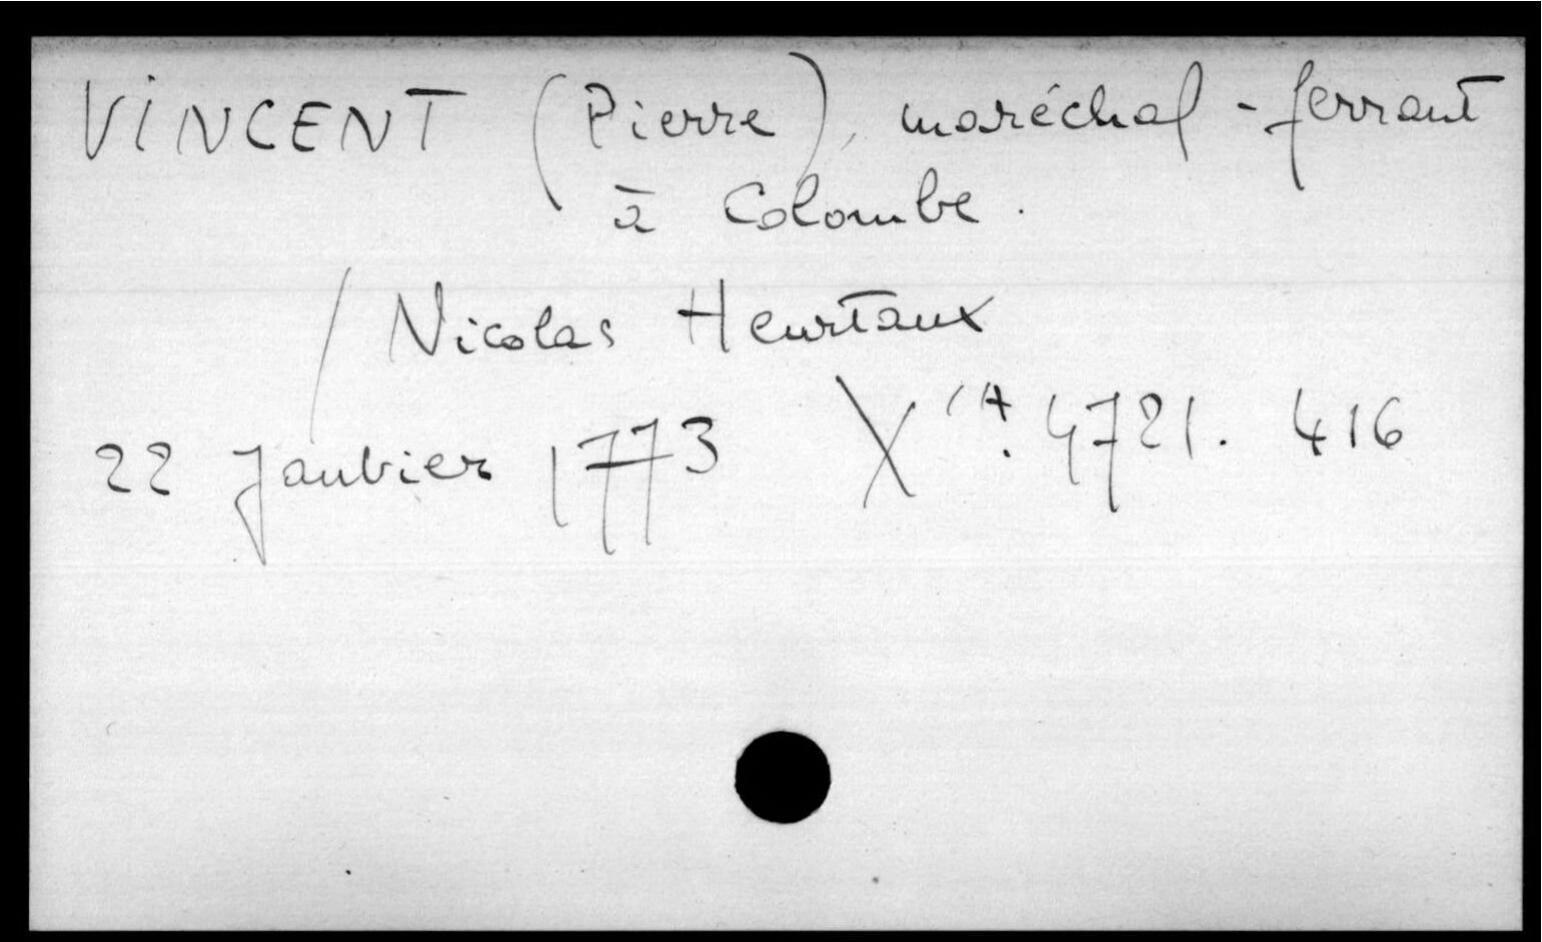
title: VINCENT (Pierre), maréchal ferrant à Colombe
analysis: Contre Nicolas Heurtaux
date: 22 janvier 1773
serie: X1A
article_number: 4721
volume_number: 416
